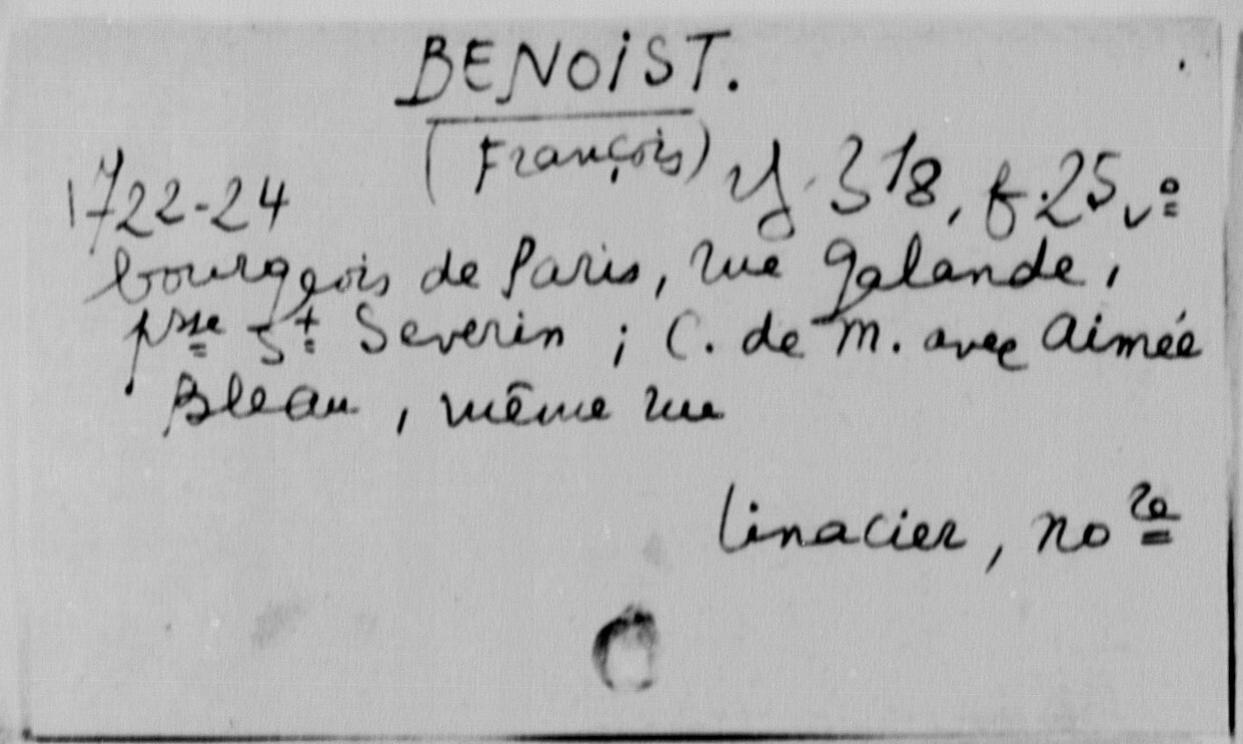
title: BENOIST (François)
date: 1722-1724
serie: Y
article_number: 318
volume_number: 25v
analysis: bourgeois de Paris, rue Galande, paroisse Saint-Séverin 1Contrat de mariage avec Aimée Bleau, même rue Linacier, notaire
